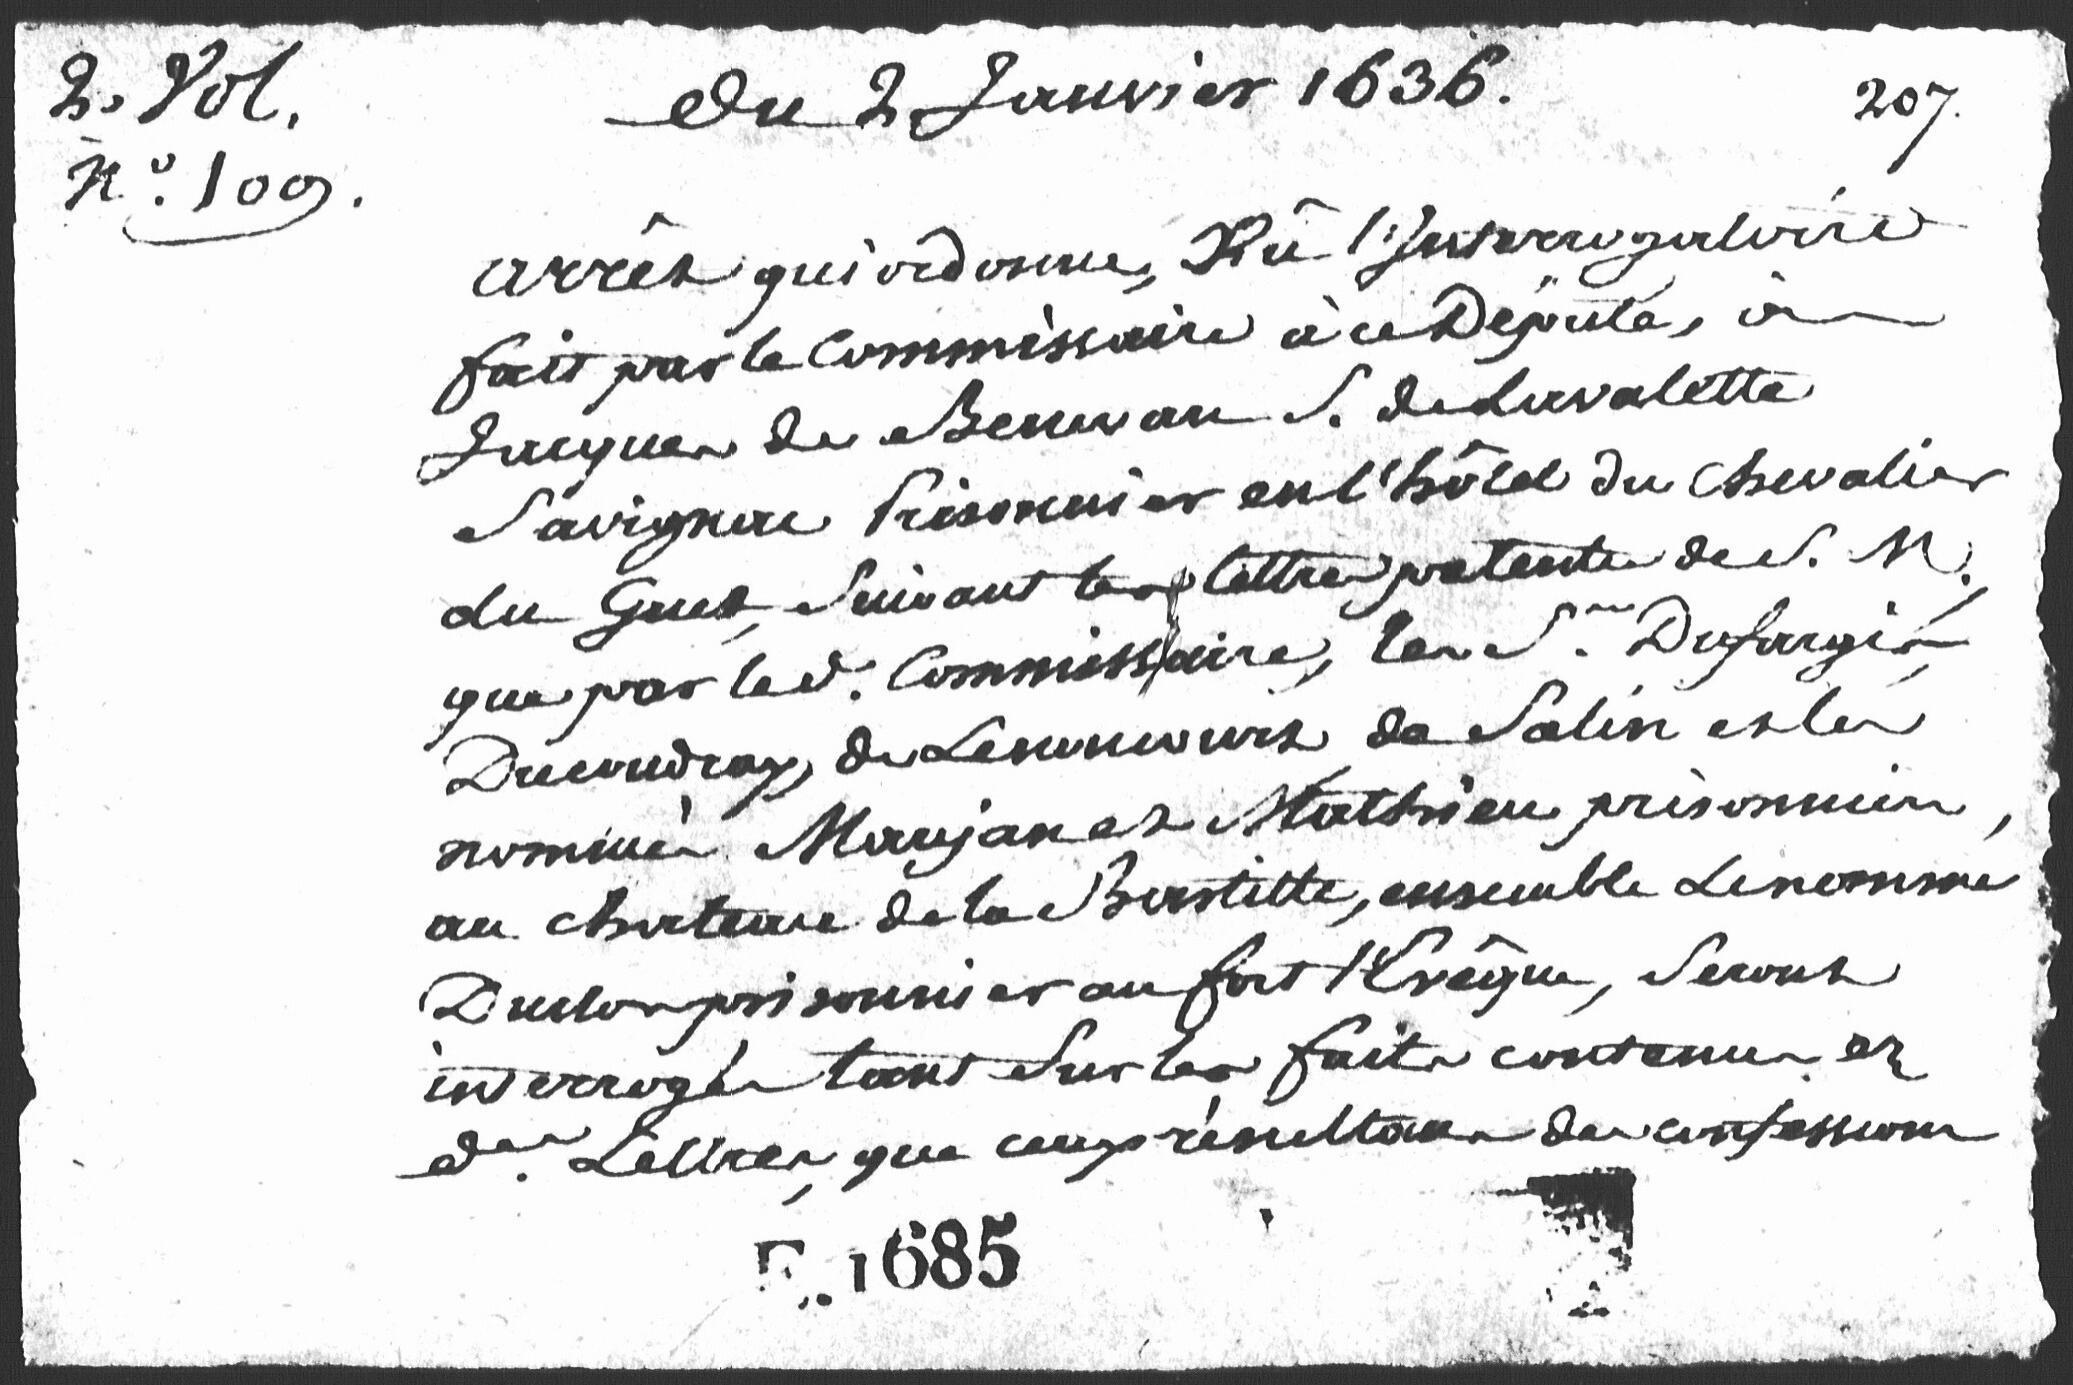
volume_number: n°109
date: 2 janvier 1636
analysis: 207
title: Arrêt qui ordonne, vu l'interrogatoire fait par le commissaire à ce député, à Jacques de Benivau S. de Lavalette Salignac prisonnier en l'hôtel du chevalier du guet, suivant les lettres patentes de S. M. que par led. commissaire, les S.rs Dufargis, Ducoudray, de Lenoncourt de Salin et les nommés Maujan et Mathieu prisonniers au chateau de la Bastille, ensemble le nommé Duclos prisonnier au fort l'Evêque, seront interrogés tant sur les faits contenus ez d.es lettres que ceux résultans des confessions
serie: E
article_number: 1685
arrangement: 2. vol.
